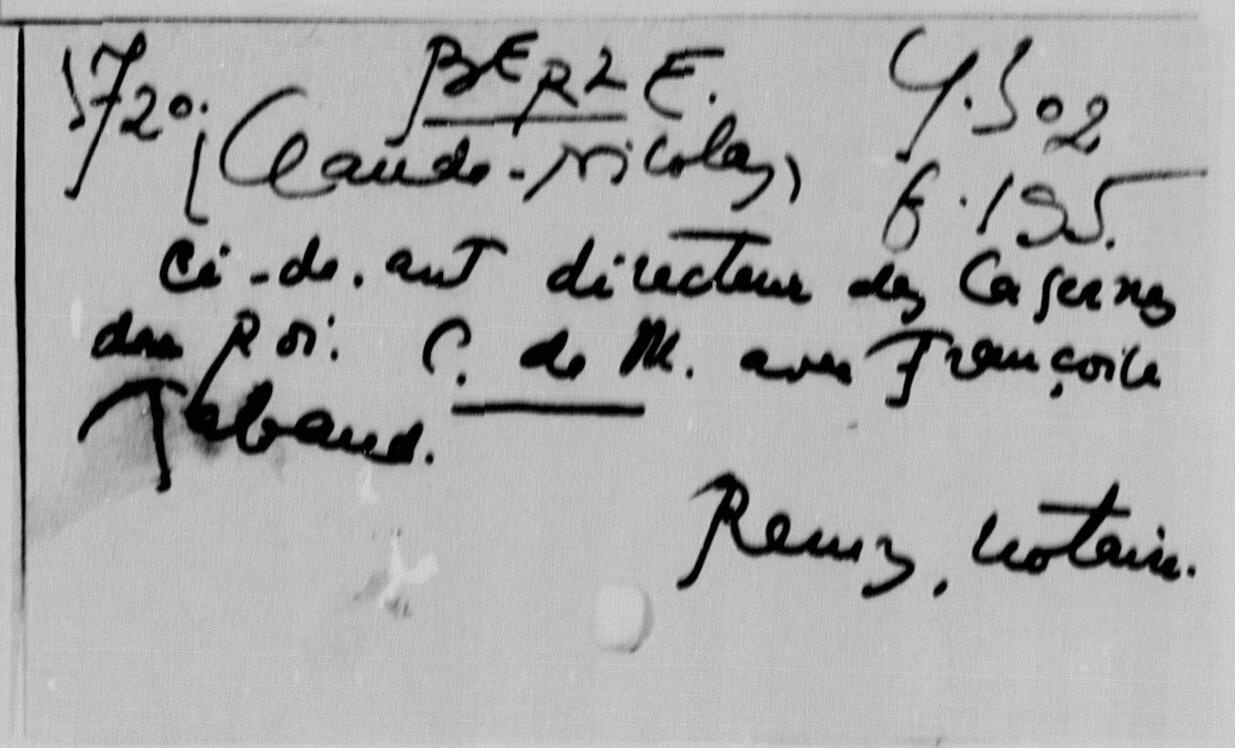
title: BERLE (Claude-Nicolas)
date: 1720
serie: Y
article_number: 302
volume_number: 195
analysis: Ci-devant directeur des casernes du roi. Contrat de mariage avec Françoise Tabaud. Remy, notaire.
